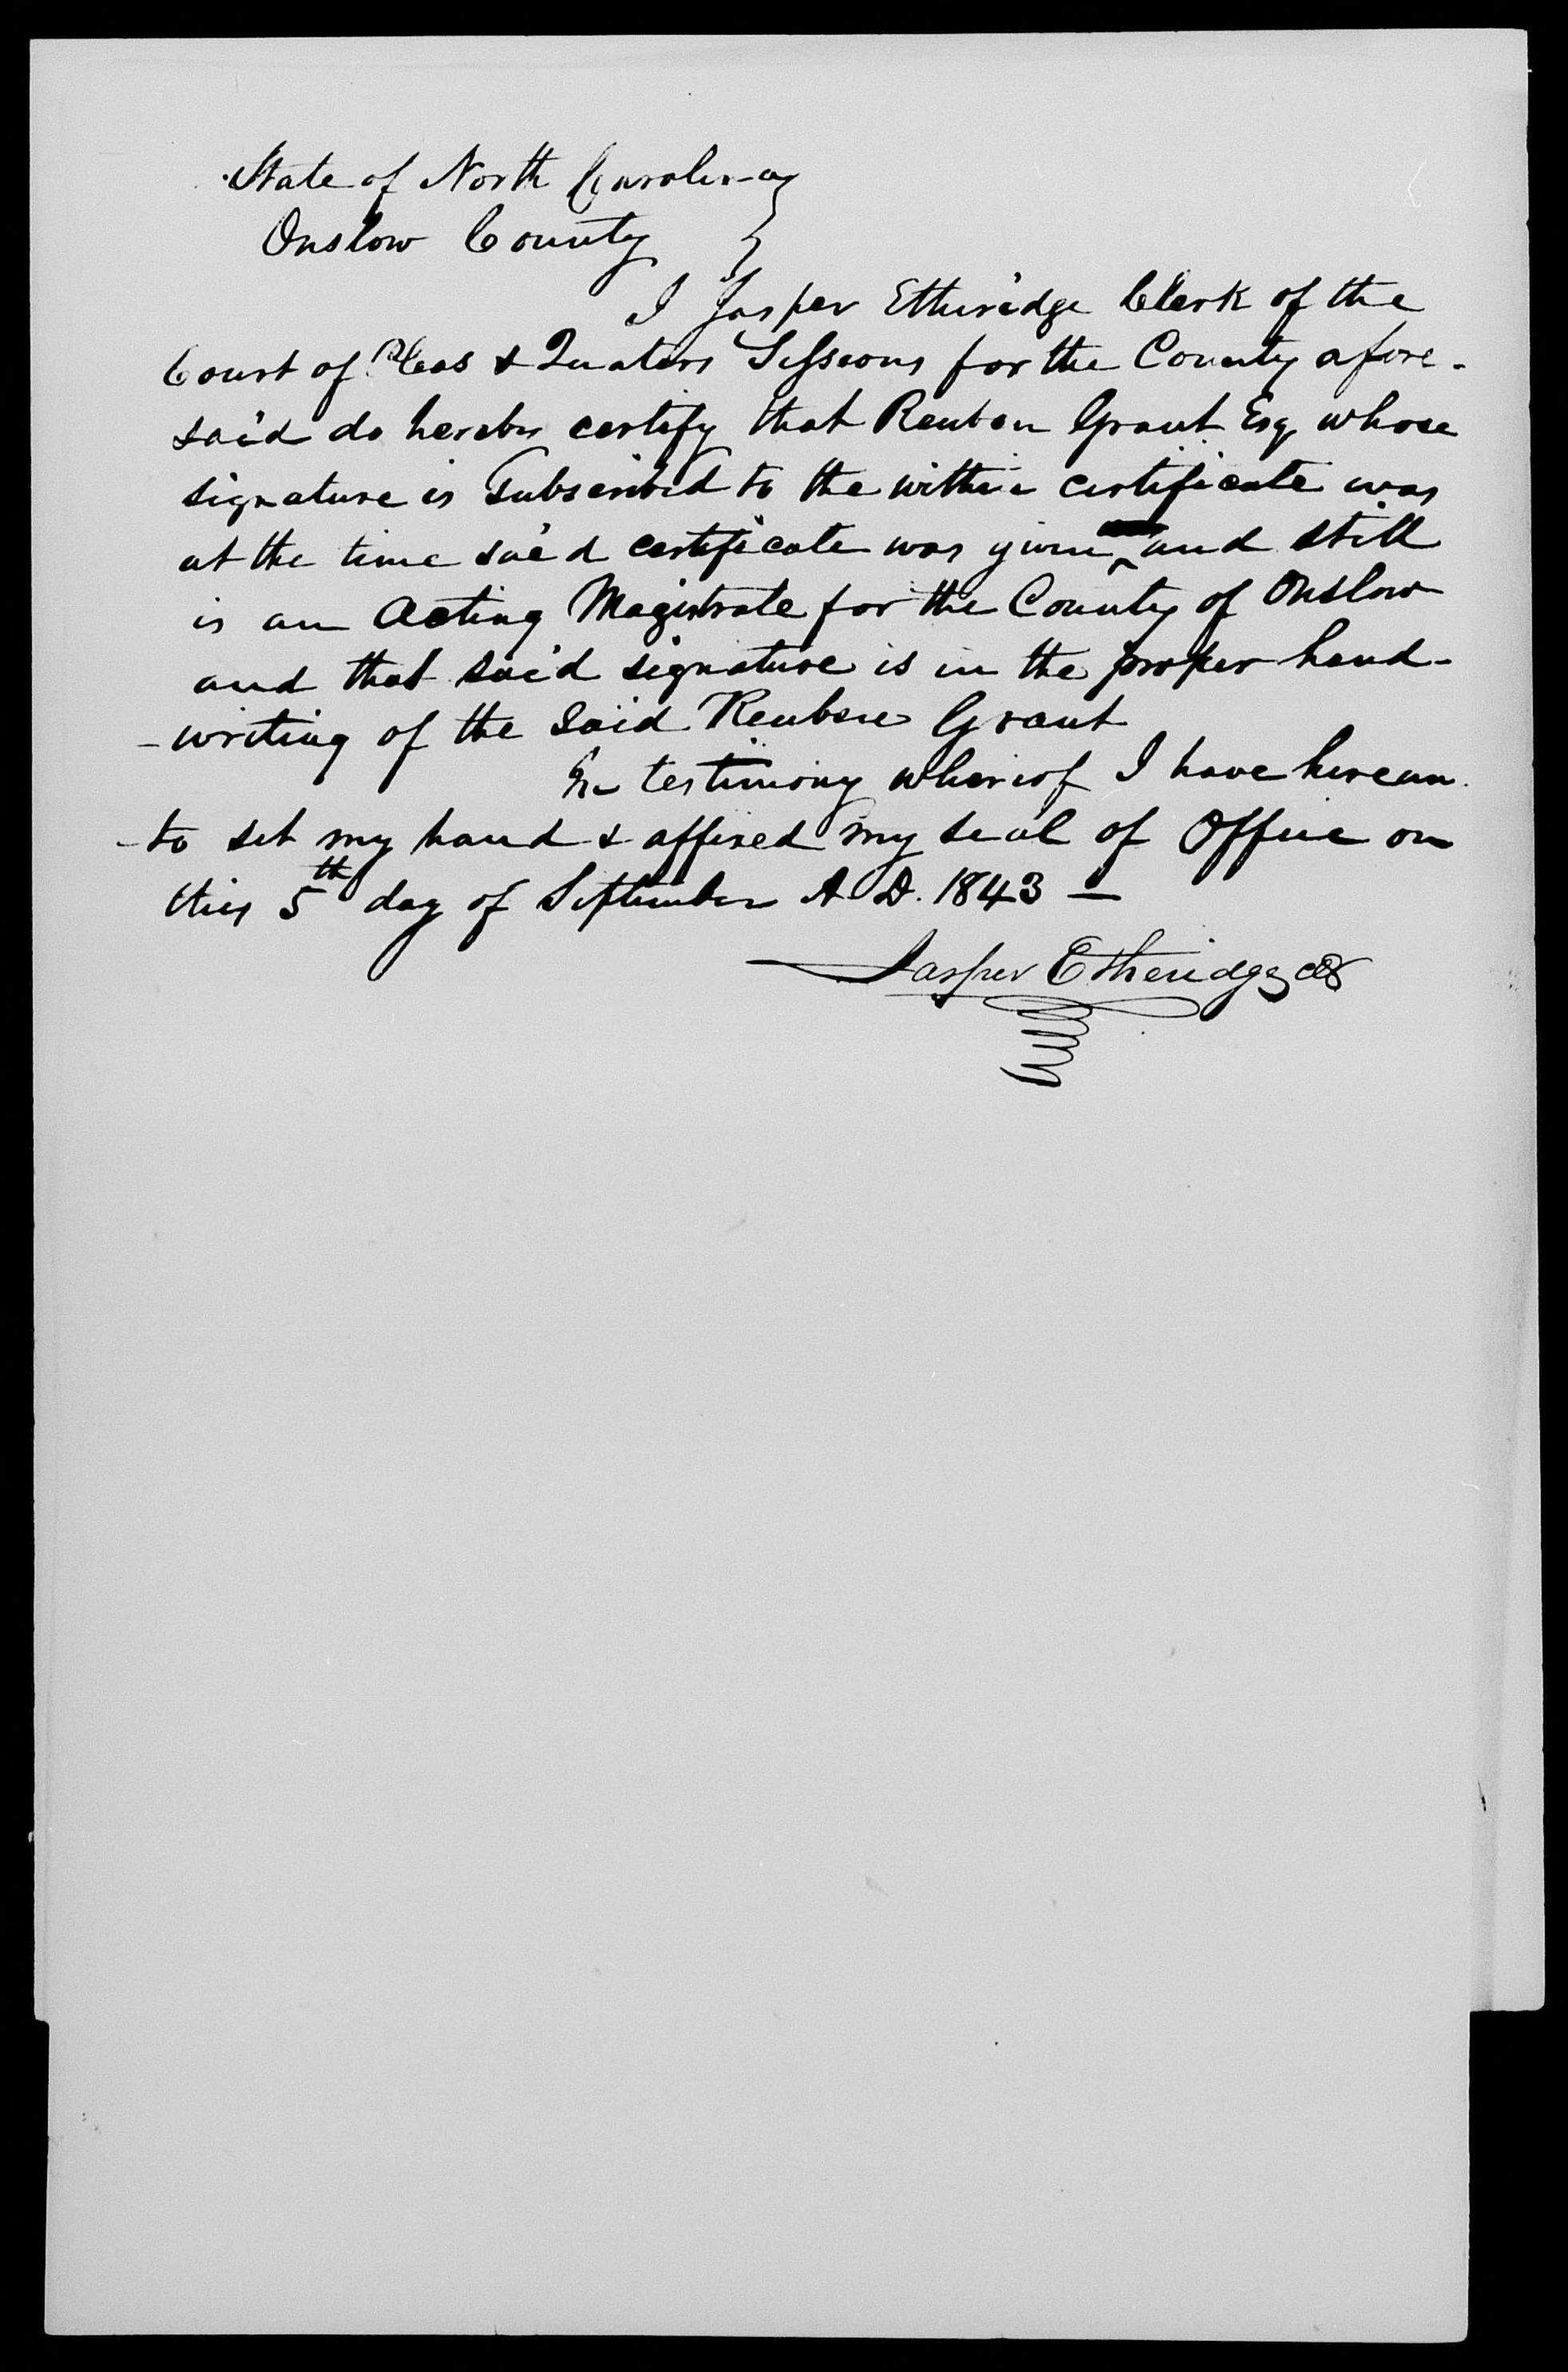State of North Carolina
Onslow County }  
I Jasper Etheridge Clerk of the Court of Pleas and Quarter Sessions for the County aforesaid do hereby certify that Reuben Grant Esq whose signature is subscribed to the within certificate was at the time said certificate was given and still is an Acting Magistrate  for the County of Onslow and that said signature is in the proper handwriting of the said Reuben Grant.
In testimony whereof I have hereunto set my hand and affixed my seal of office on this 5th day of September AD 1843.  Jasper Etheridge Clk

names: Reuben Grant, Jasper Etheridge, Jasper Etheridge, Reuben Grant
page: 29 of 38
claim: widow's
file: W. 5231, Hilary Brinson, N.C.